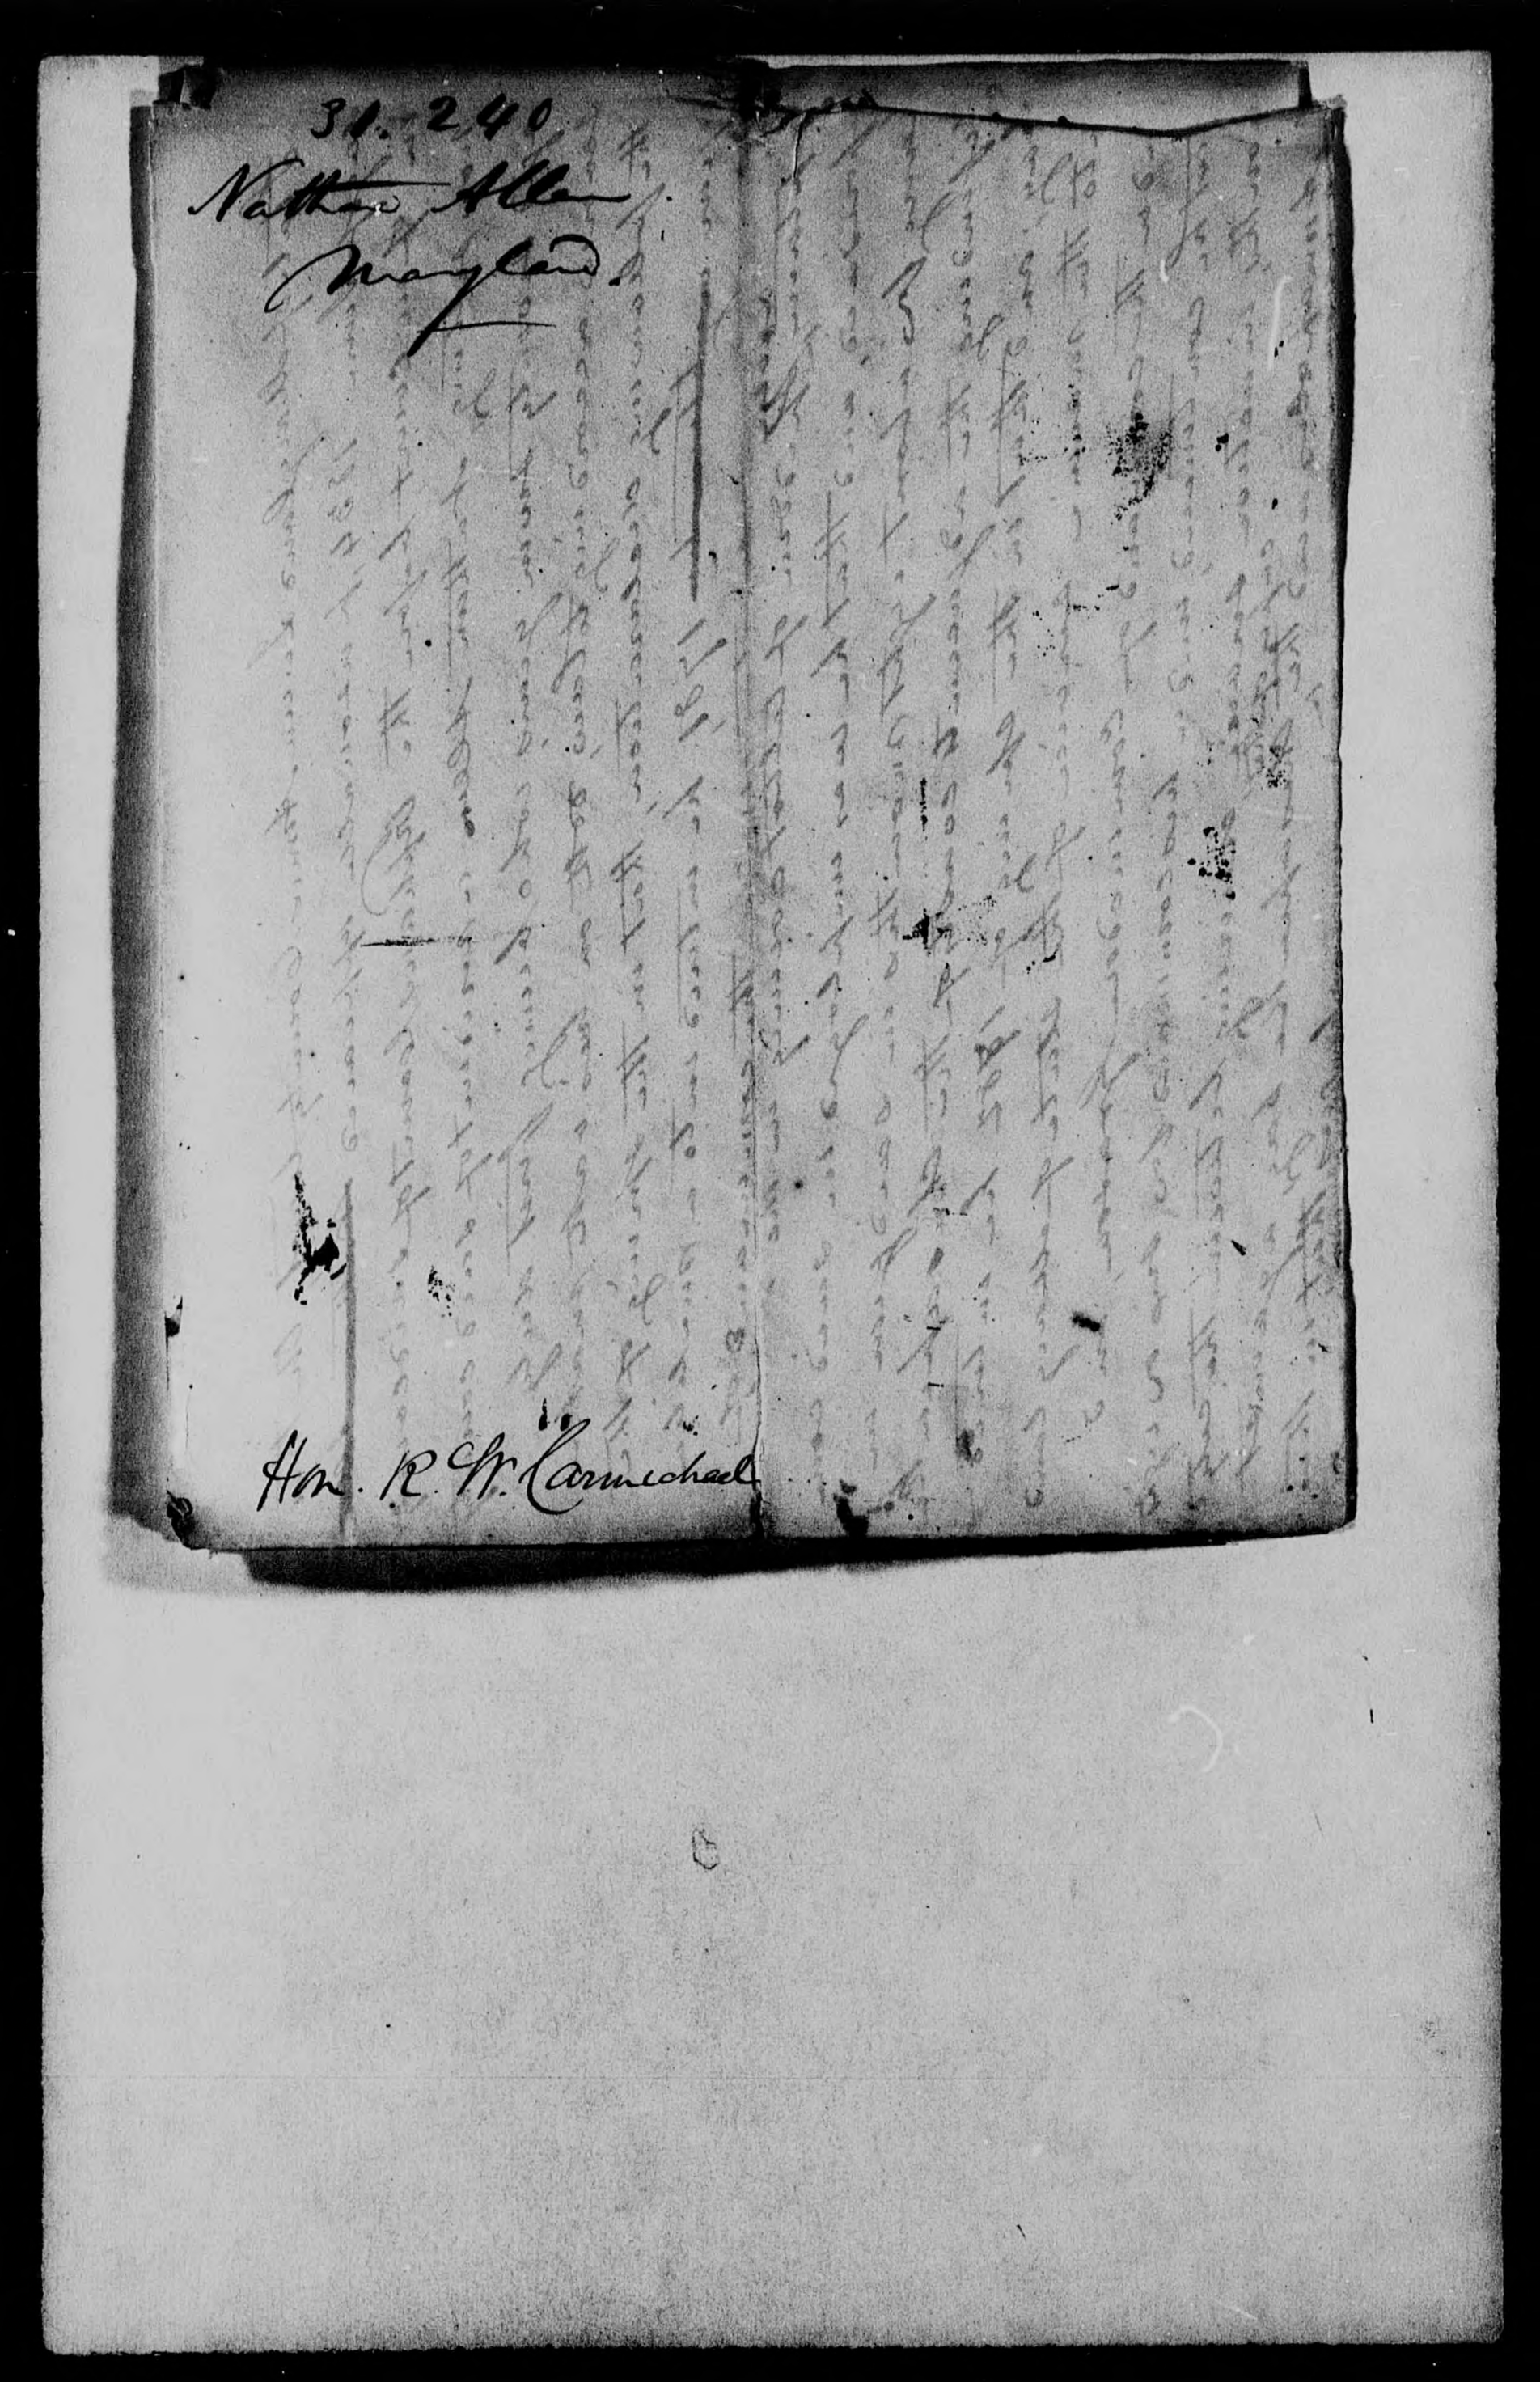34240
Nathan Allen
Maryland

Hon. R W Carmichael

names: Nathan Allen, R W Carmichael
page: 3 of 14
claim: survivor's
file: S. 8,011, Nathan Allen, Md. And Sea Service